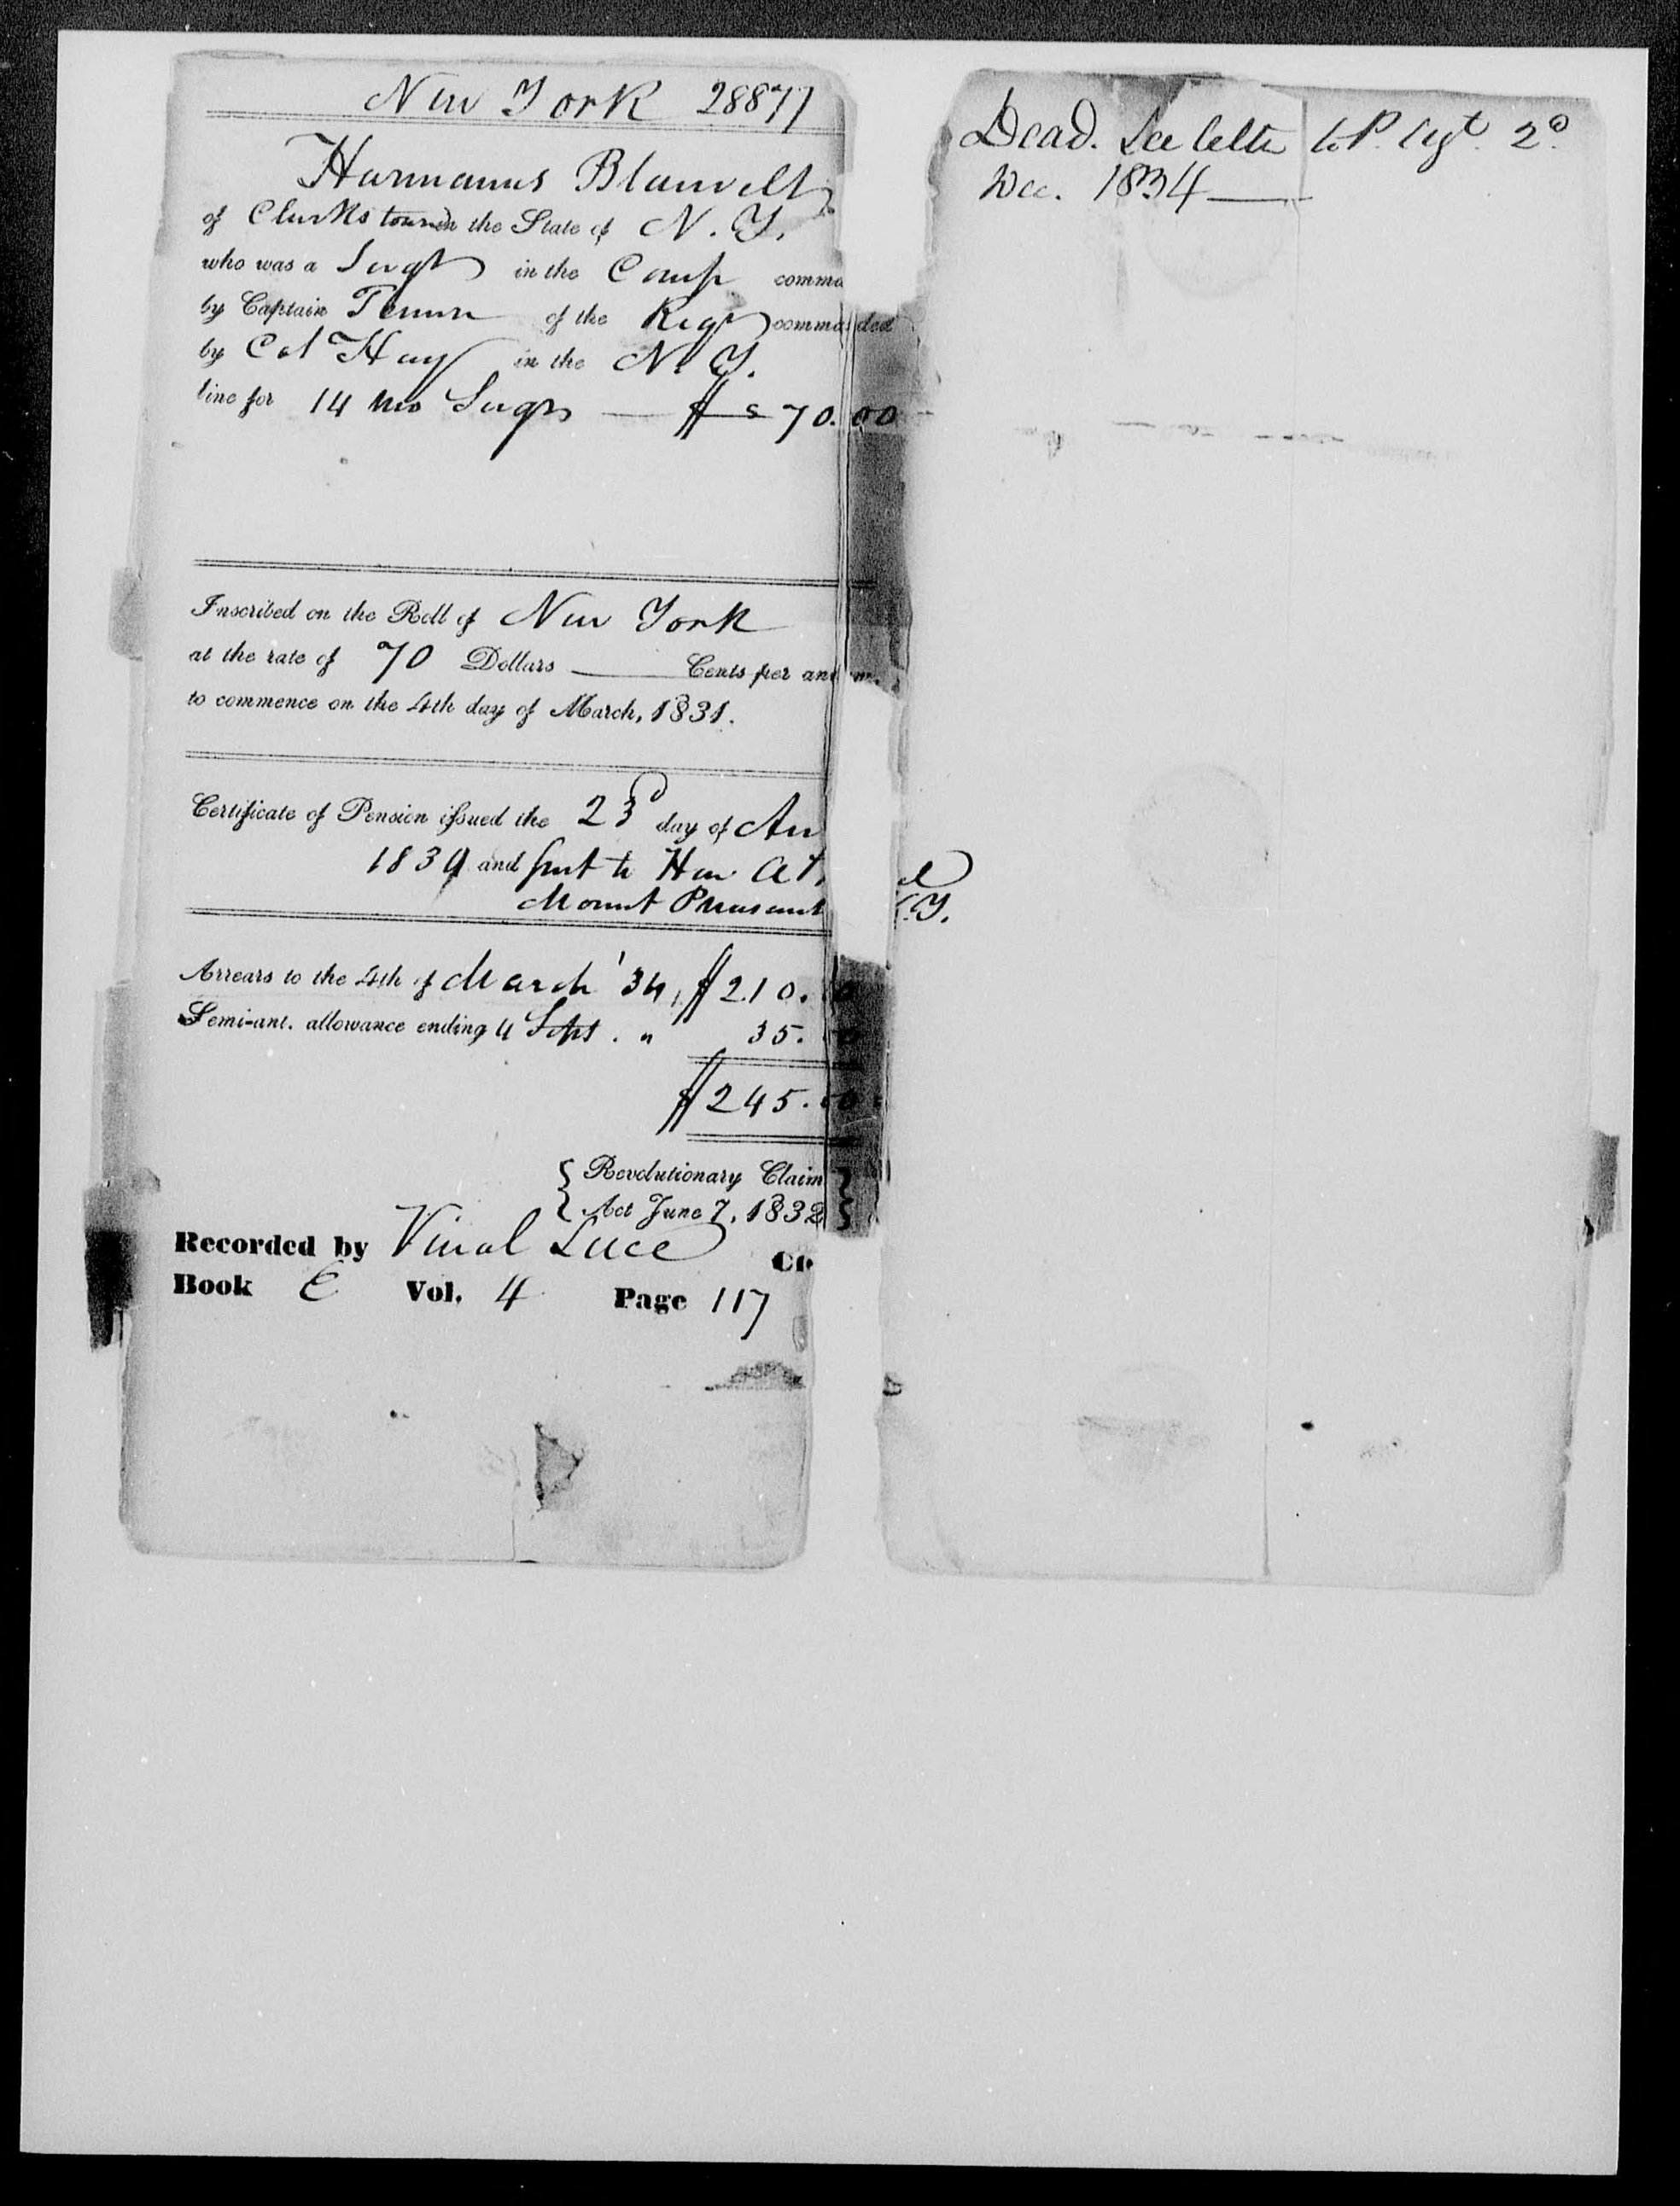Inscribed on the Roll of New York [illegible] the rate of 70 Dollars ___ Cents per annum to commence on the 4th day of March, 1834

Certificate of Pension issued the 23rd day of August 1834 and put to H[illegible] At Mount Pleasant

Arrears to the 4th of March '34 $210.[illegible]
Semi-anu. allowance ending Sept 35.[illegible] $245. [illegible]
Revolutionary Claim [illegible] June 7, 1832
Recorded by Viral Luce [illegible]
Book [illegible] Vol. 4 Page 117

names: Harmanus Blauvelt, Vinal Luce, Tenure, Hay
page: 2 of 33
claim: survivor's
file: S. 22,653, Harmanus Blauvelt, New York